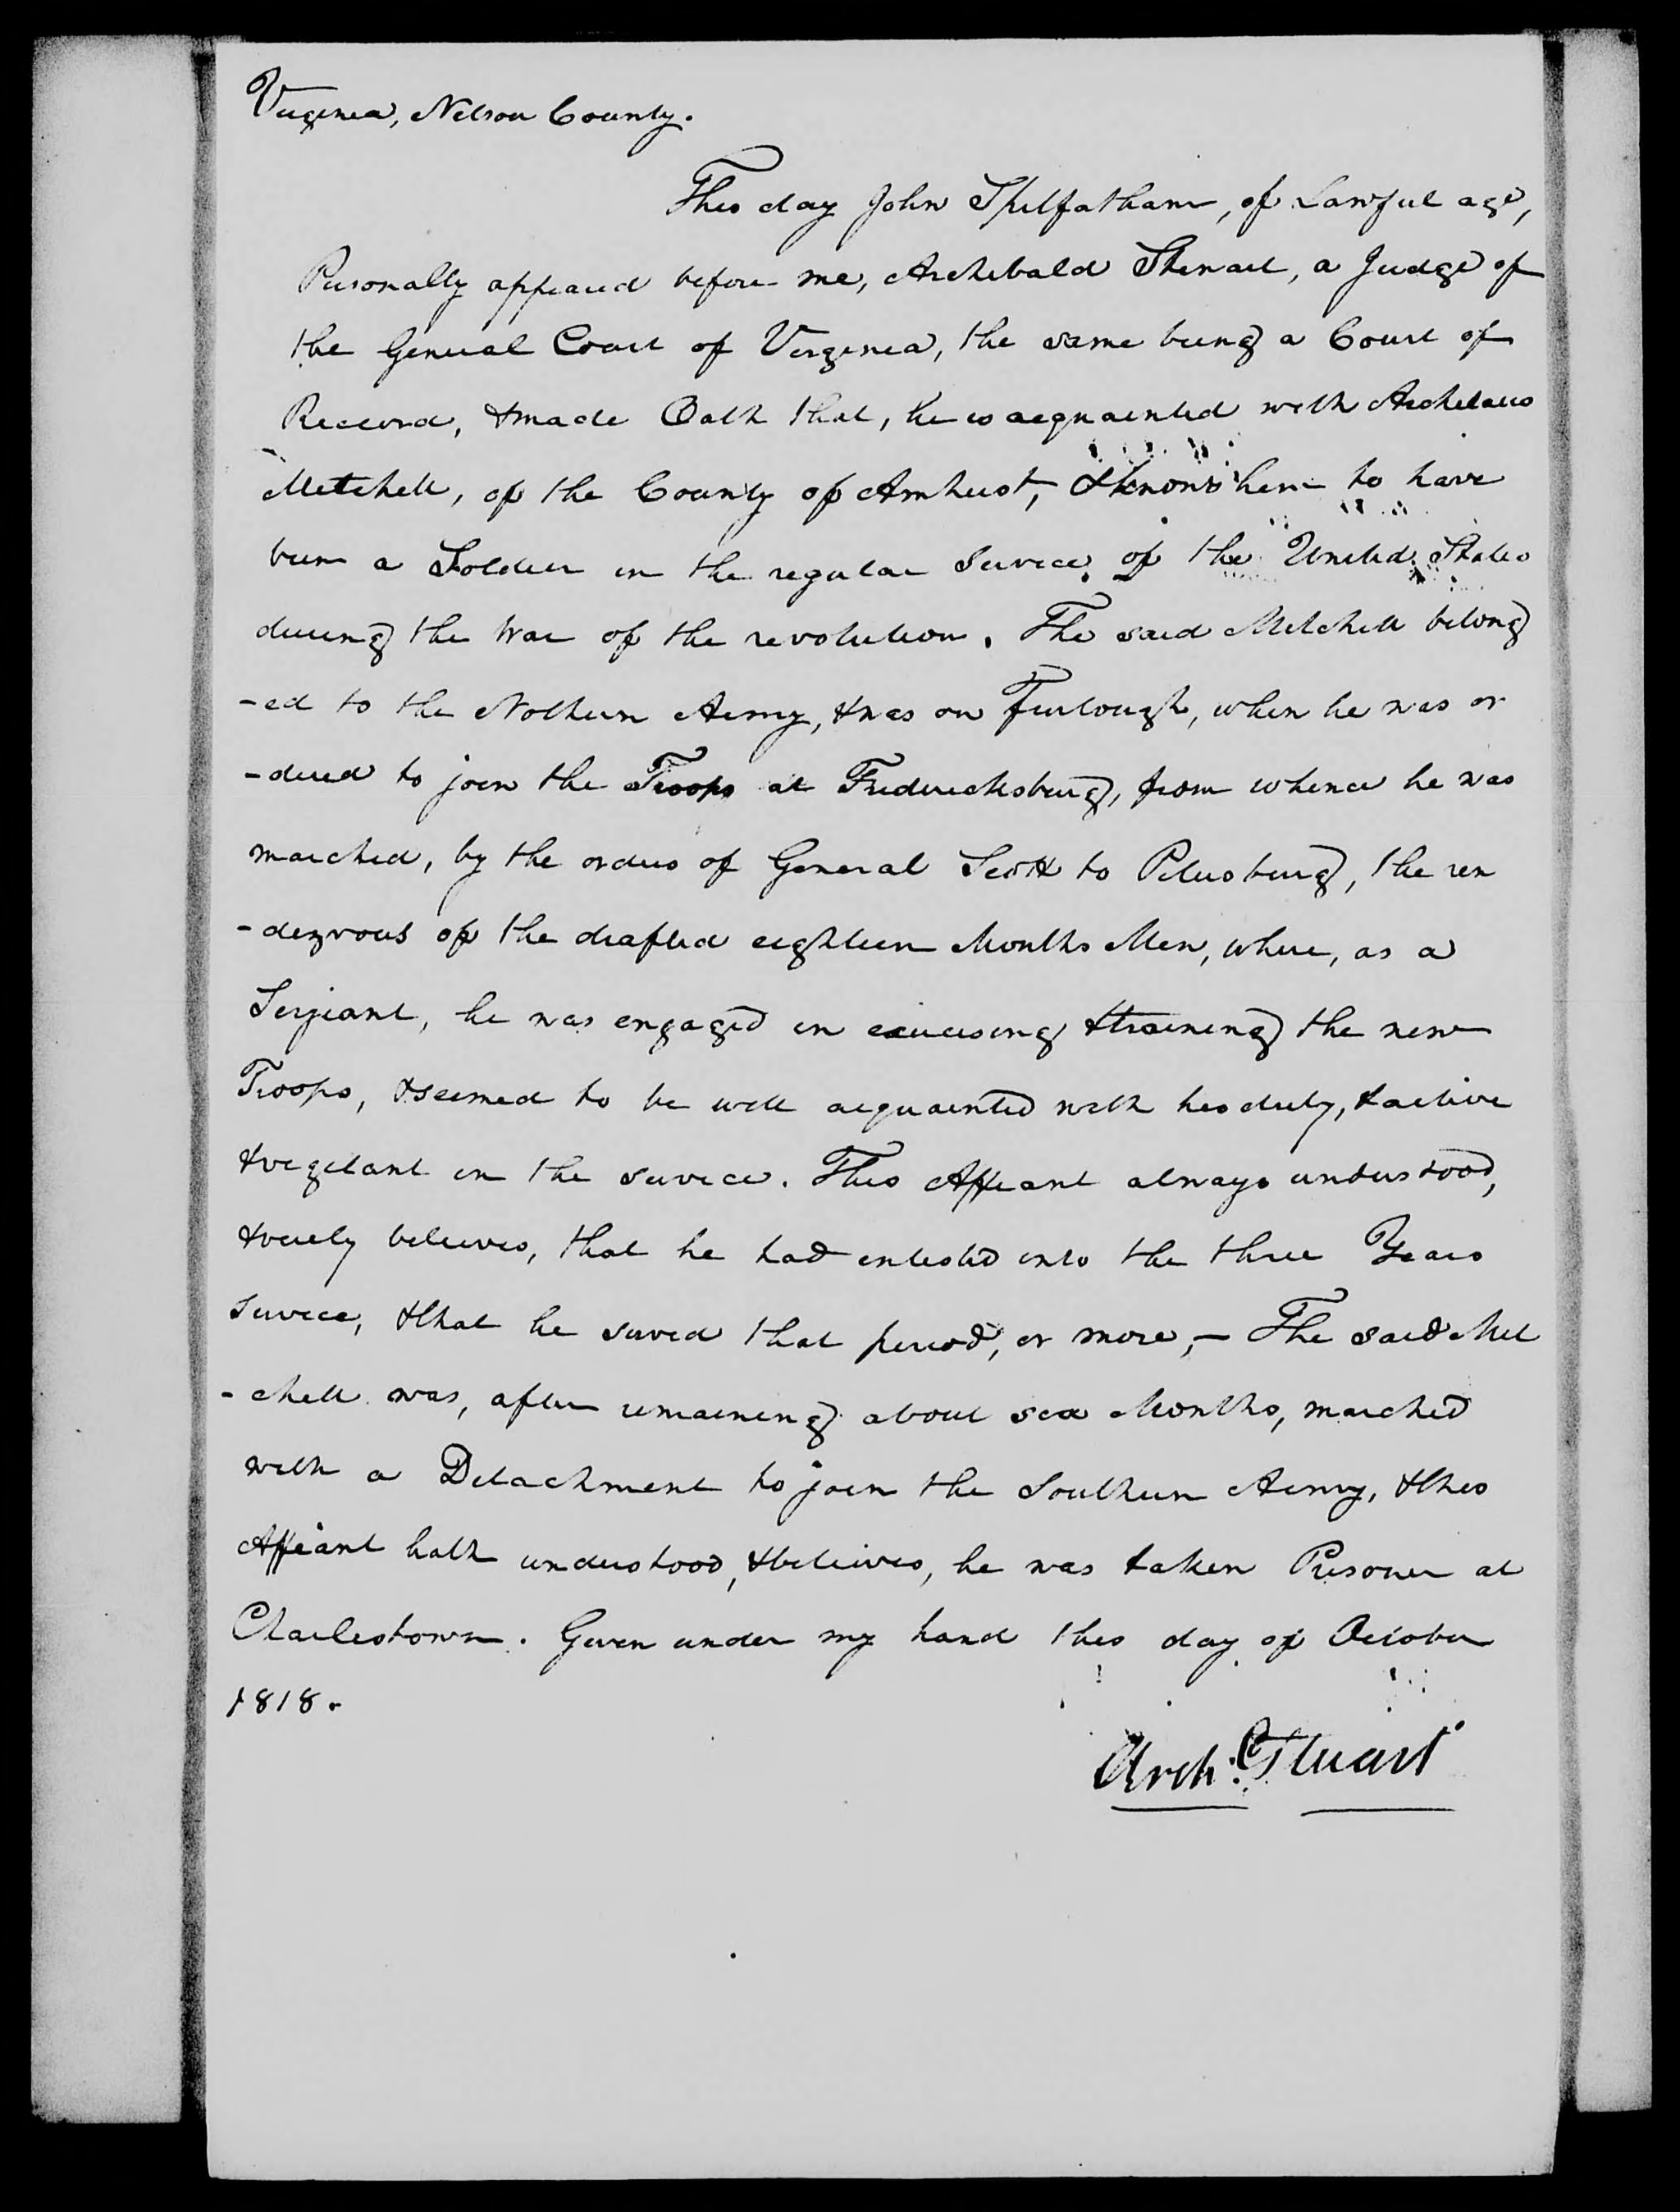Virginia, Nelson County.

This day John Spilfatham, of Lawful age, Personally appeared before me, Archebald Stuart, a Judge of the General Court of Virginia, the same being a Court of Record, & made Oath that, he is acquainted with Archelaus Mitchell, of the County of Amherst, & knows him to have been a Soldier in the regular service of the United States during the War of the revolution. The said Mitchell belonged to the Northern Army, & was on furlough, when he was ordered to join the Troops at Fredericksburg, from whence he was marched, by orders of General Scott to Petersburg, the rendezvous of the drafted eighteen Months Men, where, as a Serjiant(sic), he was engaged in exercising & training the new Troops, & seemed to be well acquainted with his duty, & active & vigilant in the service. This Affiant always understood, & verily believes, that he had enlisted into the three Years service, & that he served that period, or more,_ The said Mitchell was, after remaining about six Months, marched with a Detachment to join the Southern Army, & this Affiant hath understood, & believes, he was taken Prisoner at Charleston.

Given under my hand this day of October 1818.
Arch Stuart [signature]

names: Archelaus Mitchell; Archibald Stewart; John Spilfatham; [BLANK] Scott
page: 16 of 23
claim: survivor's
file: S. 38226, for Archelaus Mitchell, Virginia